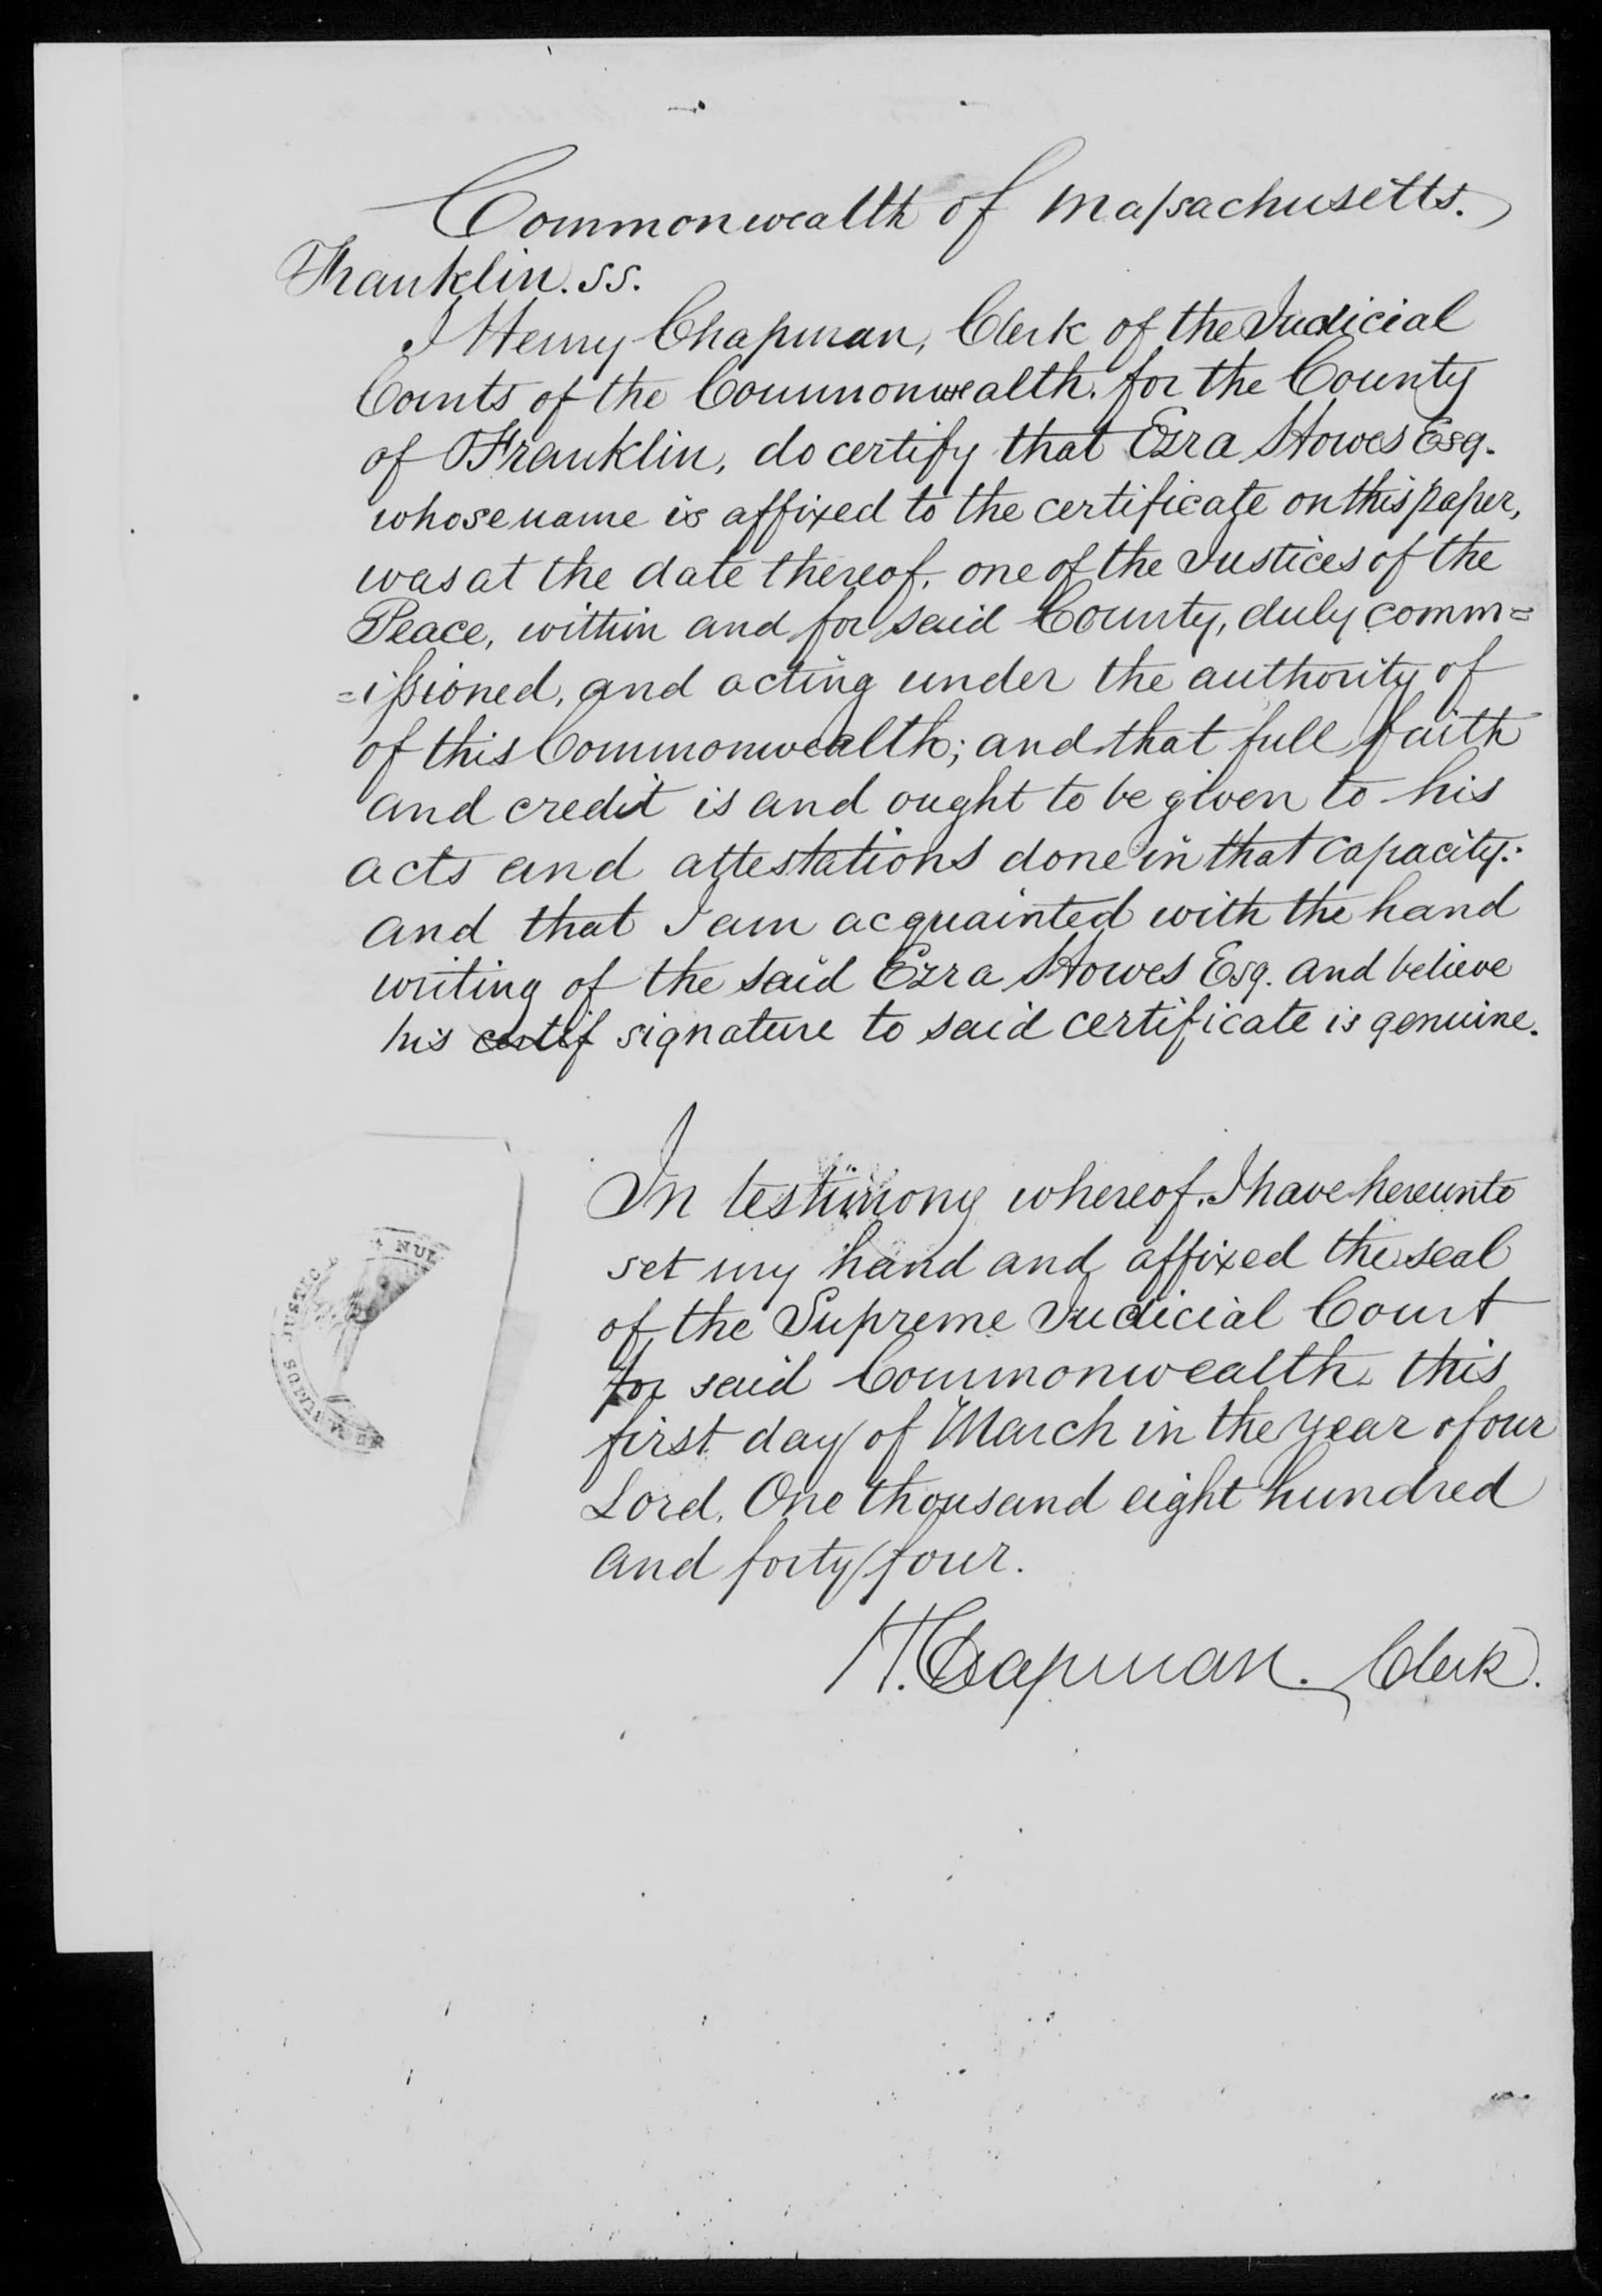Commonwealth of Massachusetts.
Franklin SS.
I Henry Chapman, Clerk of the Judicial
Courts of the Commonwealth, for the County
of Franklin, do certify that Ezra Howes Esq.
whose name is affixed to the certificate on this paper,
was at the date thereof, one of the Justices of the
Peace, within and for said County, duly commissioned, 
and acting under the authority of
of this Commonwealth; and that full faith
and credit is and ought to be given to his
acts and attestations done in that capacity.
and that I am acquainted with the hand
writing of the said Ezra Howes Esq. and believe
his signature to said certificate is genuine.
In testimony whereof, I have hereunto
set my hand and affixed the seal
of the Supreme Judicial Court 
for said Commonwealth this
first day of March in the year of our
Lord, One thousand eight hundred
and forty four.
H. Chapman. Clerk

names: Ezra Howes, Henry Chapman, H Chapman, Ezra Howes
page: 12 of 39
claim: widow's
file: W. 20624, David Anderson, Mass